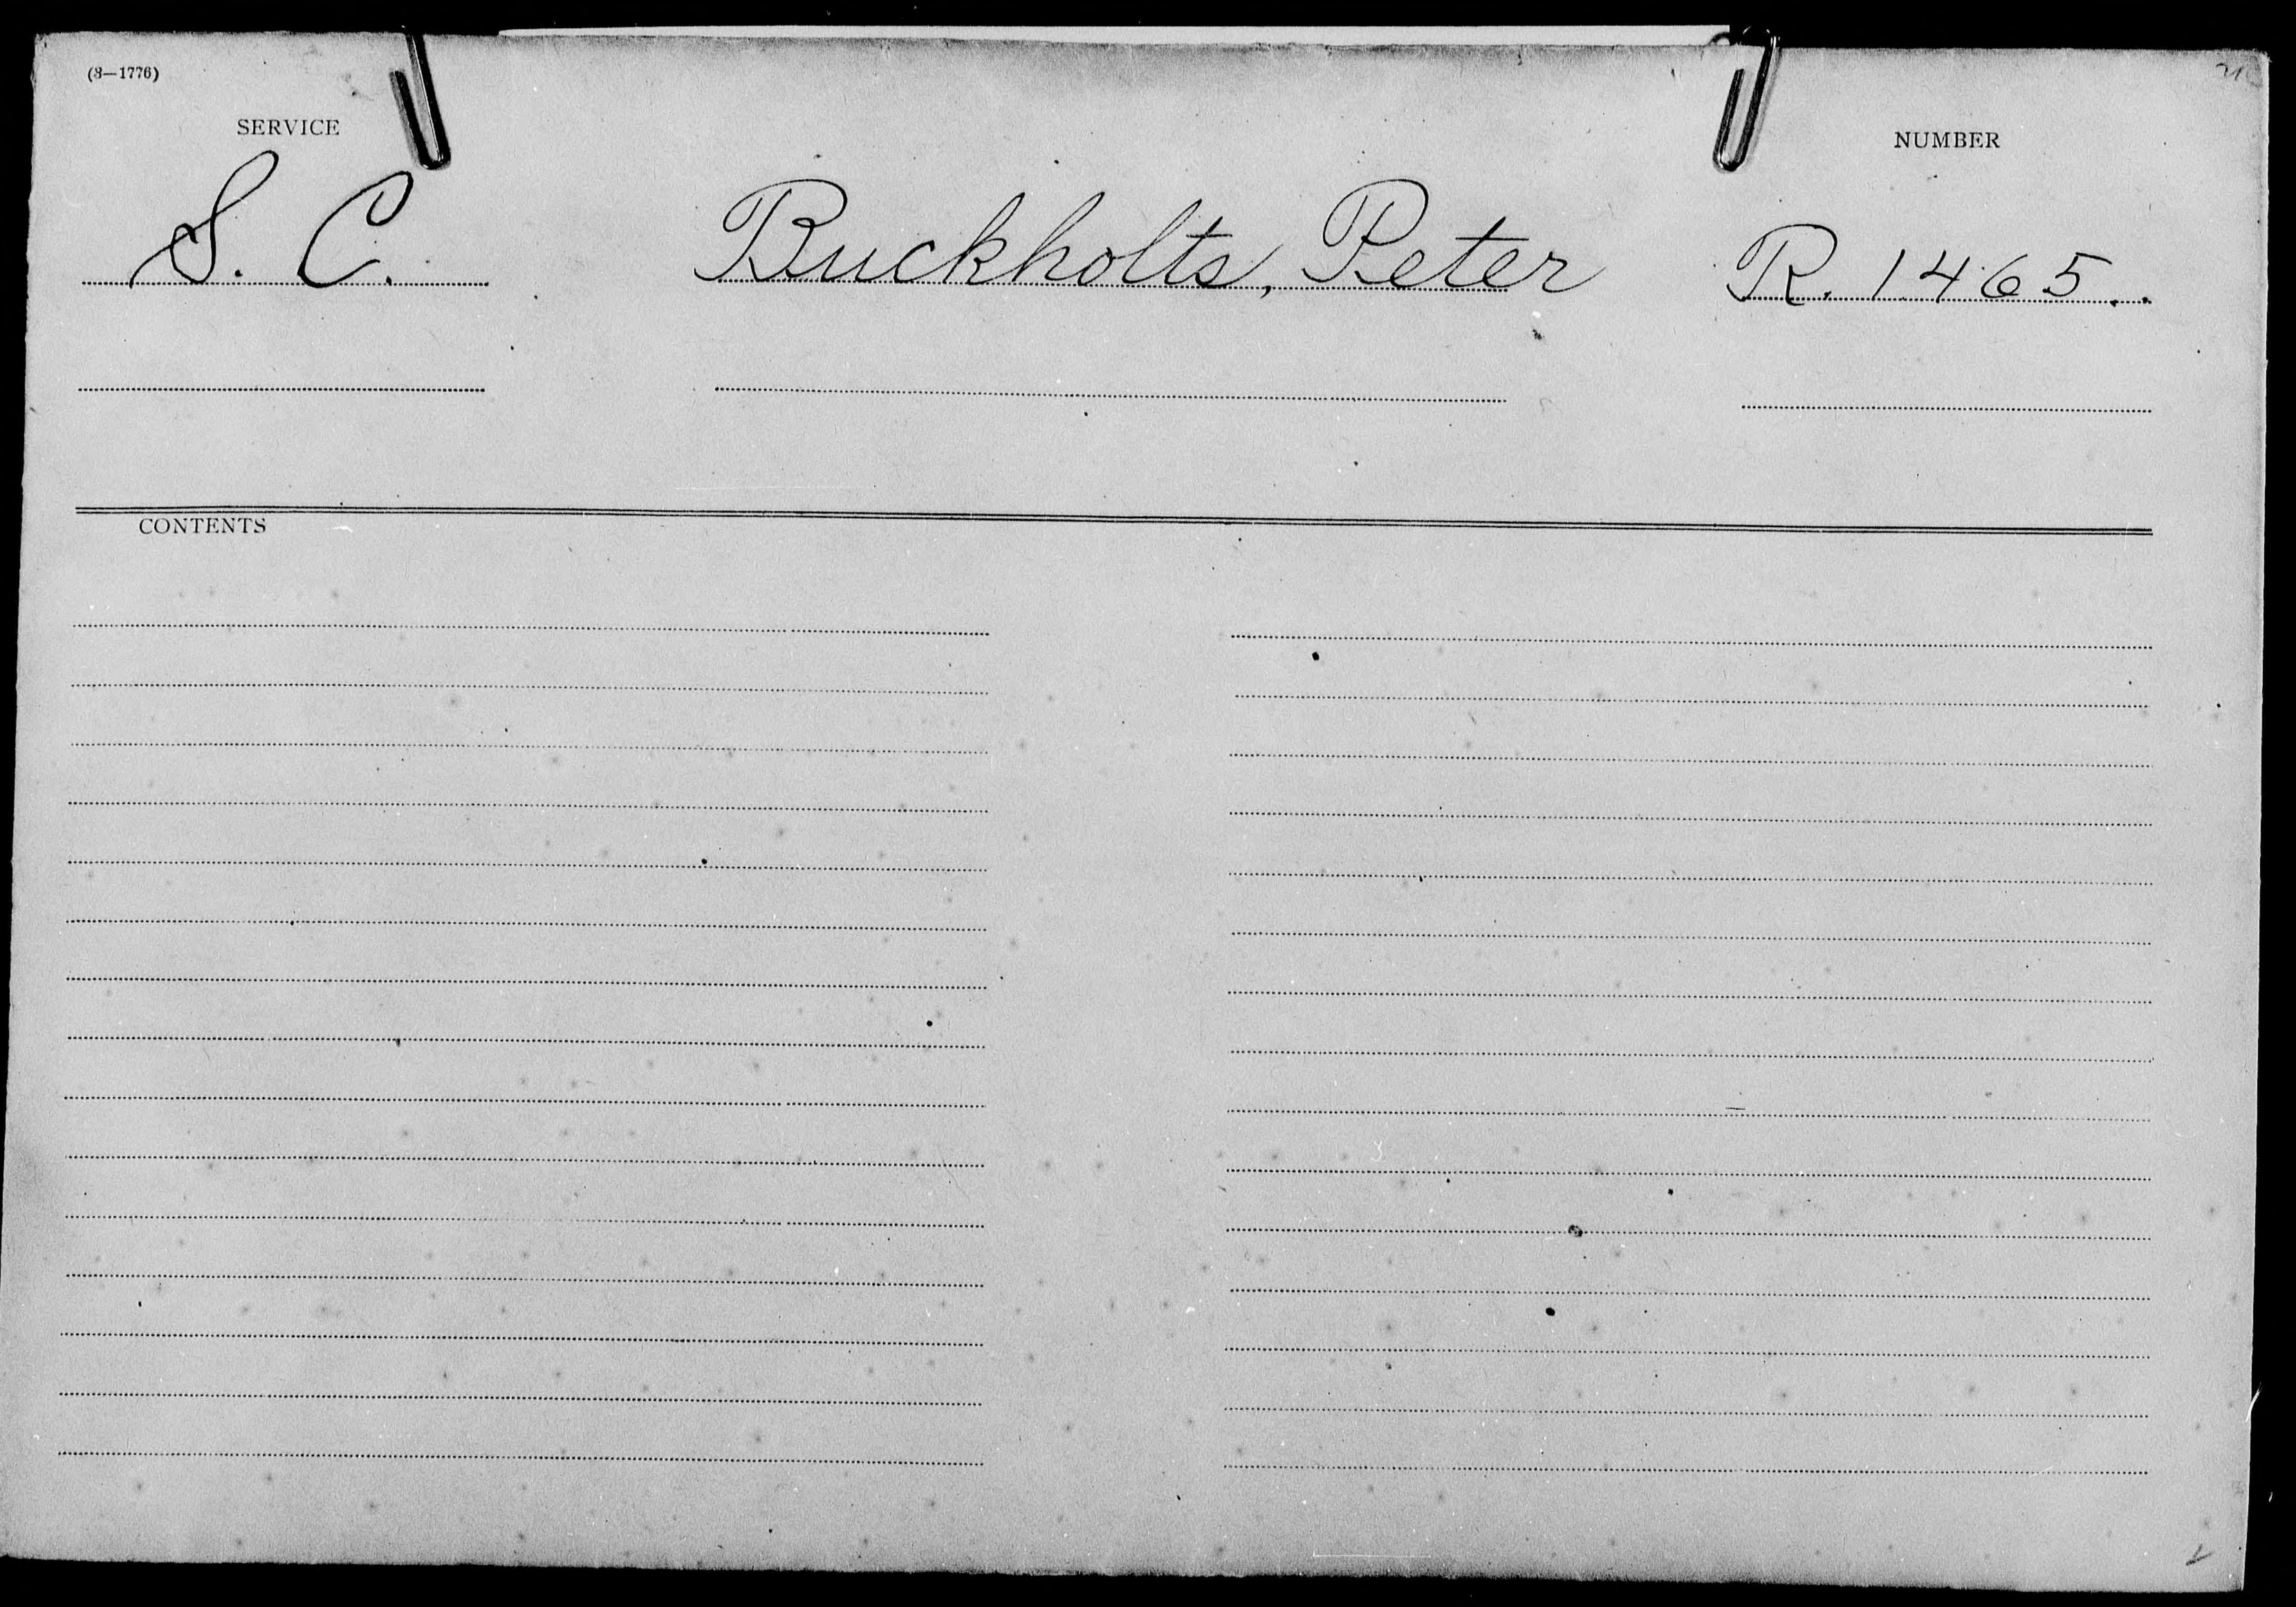(3-1776)
SERVICE
S.C.
Buckholts, Peter
NUMBER
R. 1465
CONTENTS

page: 1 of 23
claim: rejected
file: R. 1465, Peter Buckholts, S.C.